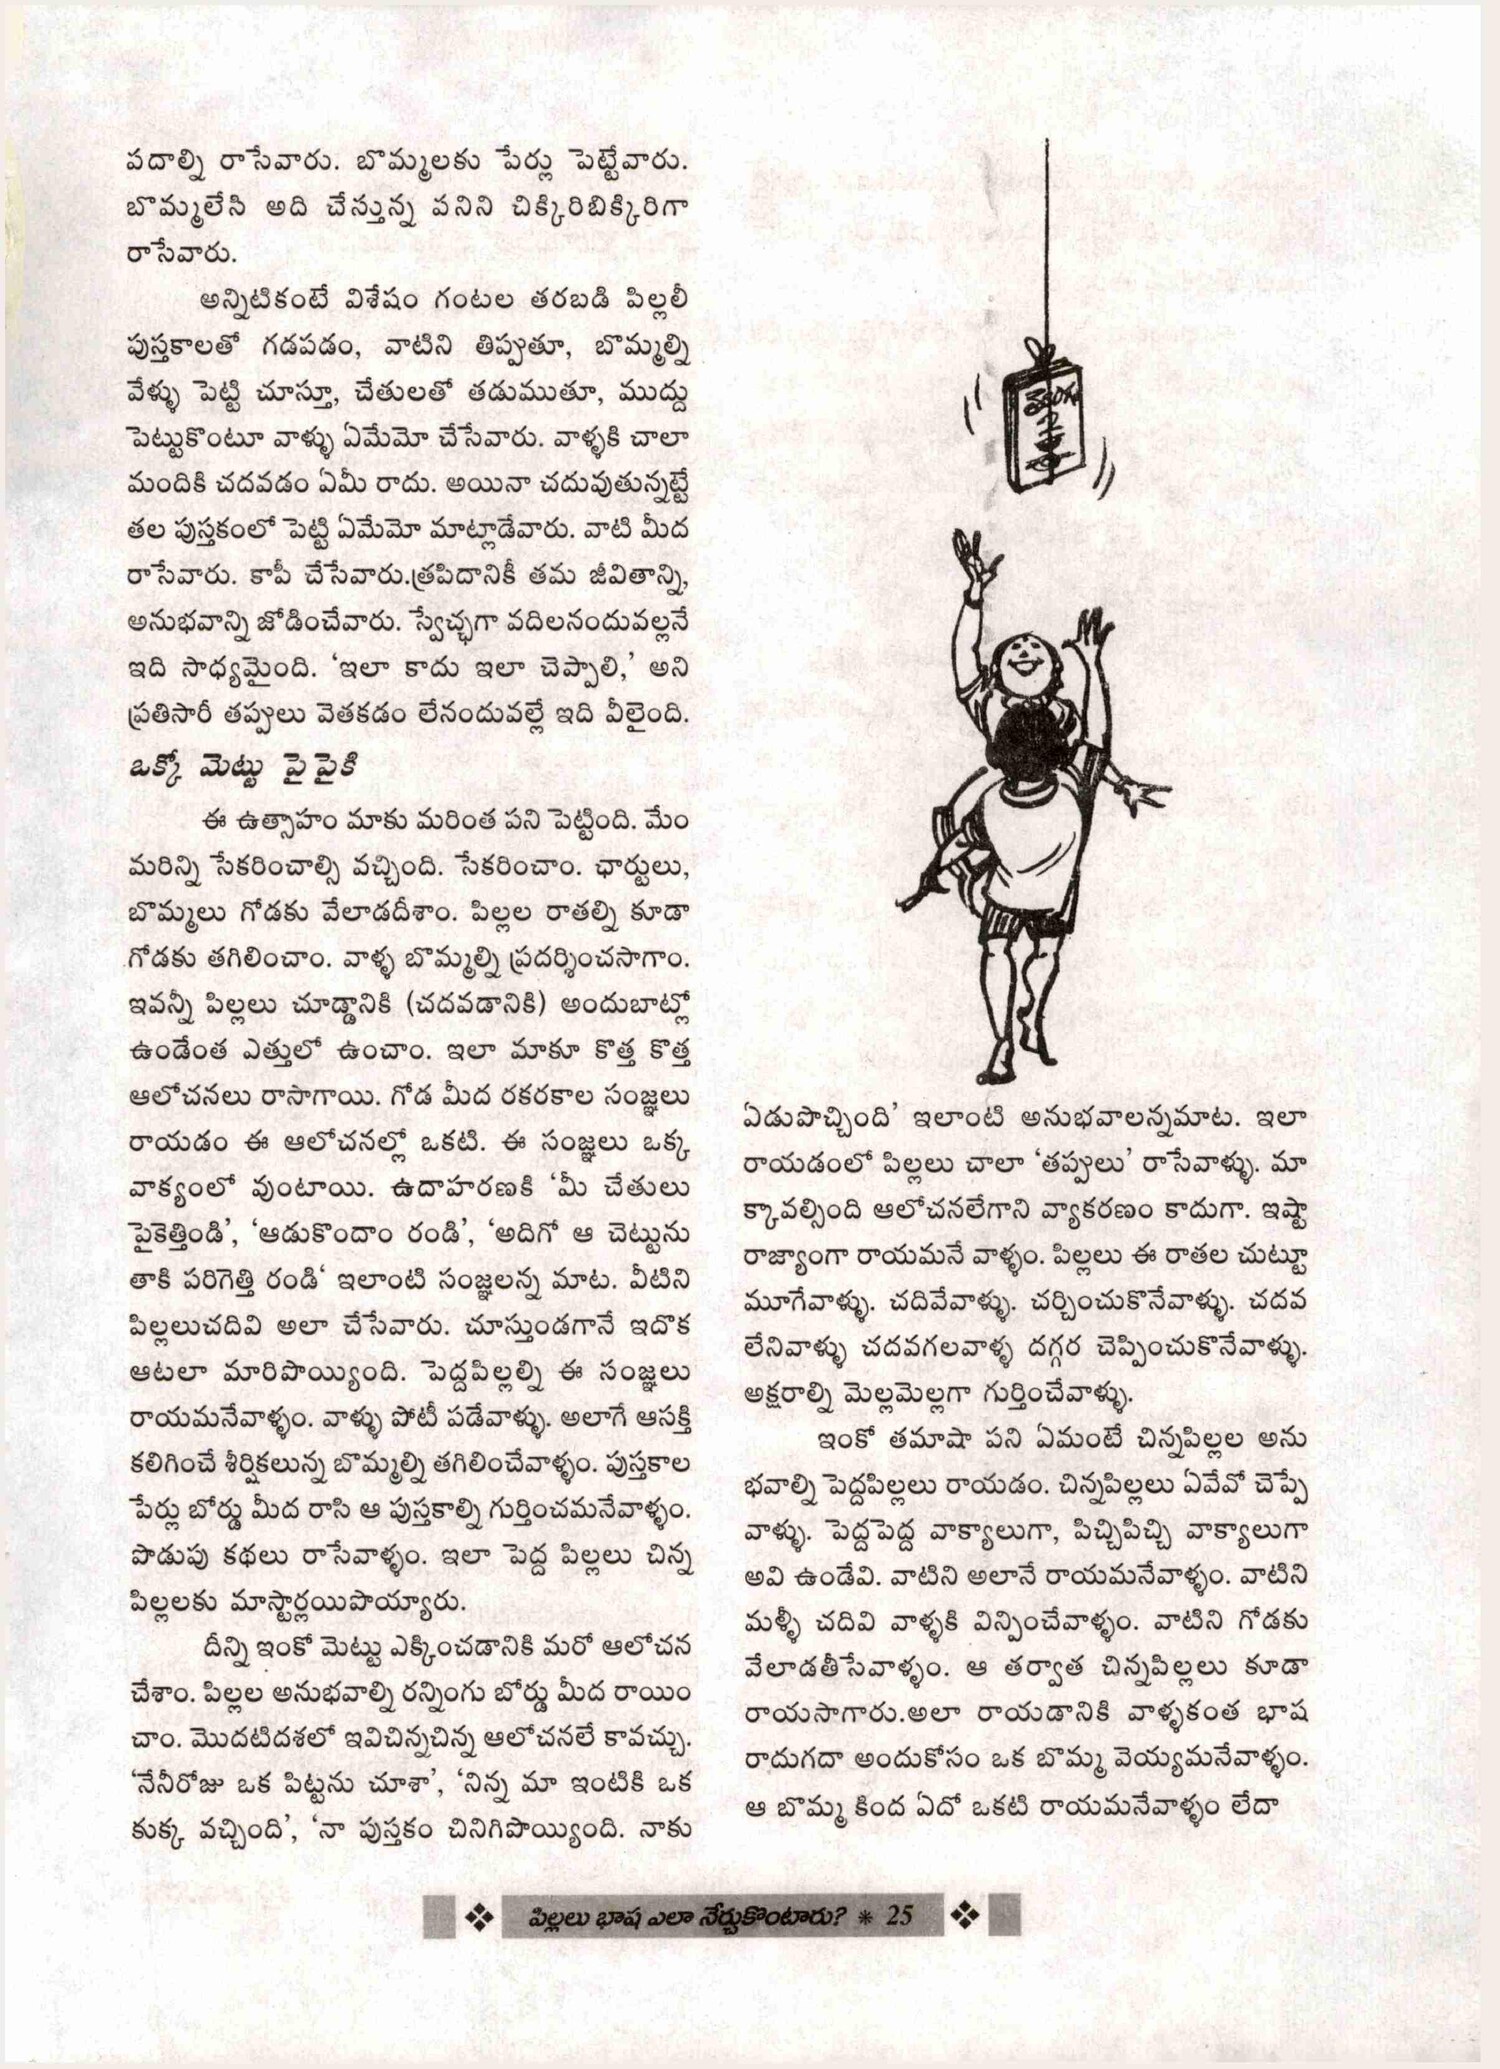పదాల్ని రాసేవారు. బొమ్మలకు పేర్లు పెట్టేవారు. బొమ్మలేసి అది చేస్తున్న పనిని చిక్కిరిబిక్కిరిగా రాసేవారు.

అన్నిటికంటే విశేషం గంటల తరబడి పిల్లలీ పుస్తకాలతో గడపడం, వాటిని తిప్పుతూ, బొమ్మల్ని వేళ్ళు పెట్టి చూస్తూ, చేతులతో తడుముతూ, ముద్దుపెట్టుకొంటూ వాళ్ళు ఏమేమో చేసేవారు. వాళ్ళకి చాలామందికి చదవడం ఏమీ రాదు. అయినా చదువుతున్నట్టే తల పుస్తకంలో పెట్టి ఏమేమో మాట్లాడేవారు. వాటి మీద రాసేవారు. కాపీ చేసేవారు. త్రపిదానికీ తమ జీవితాన్ని, అనుభవాన్ని జోడించేవారు. స్వేచ్ఛగా వదిలనందువల్లనే ఇది సాధ్యమైంది. 'ఇలా కాదు ఇలా చెప్పాలి,' అని ప్రతిసారీ తప్పులు వెతకడం లేనందువల్లే ఇది వీలైంది.

ఒక్కో మెట్టు పై పైకి

ఈ ఉత్సాహం మాకు మరింత పని పెట్టింది. మేం మరిన్ని సేకరించాల్సి వచ్చింది. సేకరించాం. ఛార్టులు, బొమ్మలు గోడకు వేలాడదీశాం. పిల్లల రాతల్ని కూడా గోడకు తగిలించాం. వాళ్ళ బొమ్మల్ని ప్రదర్శించసాగాం. ఇవన్నీ పిల్లలు చూడ్డానికి (చదవడానికి) అందుబాట్లో ఉండేంత ఎత్తులో ఉంచాం. ఇలా మాకూ కొత్త కొత్త ఆలోచనలు రాసాగాయి. గోడ మీద రకరకాల సంజ్ఞలు రాయడం ఈ ఆలోచనల్లో ఒకటి. ఈ సంజ్ఞలు ఒక్క వాక్యంలో వుంటాయి. ఉదాహరణకి 'మీ చేతులు పైకెత్తిండి', 'ఆడుకొందాం రండి', 'అదిగో ఆ చెట్టును తాకి పరిగెత్తి రండి' ఇలాంటి సంజ్ఞలన్న మాట. వీటిని పిల్లలుచదివి అలా చేసేవారు. చూస్తుండగానే ఇదొక ఆటలా మారిపొయ్యింది. పెద్దపిల్లల్ని ఈ సంజ్ఞలు
రాయమనేవాళ్ళం. వాళ్ళు పోటీ పడేవాళ్ళు. అలాగే ఆసక్తి కలిగించే శీర్షికలున్న బొమ్మల్ని తగిలించేవాళ్ళం. పుస్తకాల
పేర్లు బోర్డు మీద రాసి ఆ పుస్తకాల్ని గుర్తించమనేవాళ్ళం. పొడుపు కథలు రాసేవాళ్ళం. ఇలా పెద్ద పిల్లలు చిన్న
పిల్లలకు మాస్టార్లయిపోయ్యారు.

దీన్ని ఇంకో మెట్టు ఎక్కించడానికి మరో ఆలోచన చేశాం. పిల్లల అనుభవాల్ని రన్నింగు బోర్డు మీద రాయించాం. మొదటిదశలో ఇవిచిన్నచిన్న ఆలోచనలే కావచ్చు. 'నేనీరోజు ఒక పిట్టను చూశా', 'నిన్న మా ఇంటికి ఒక కుక్క వచ్చింది', 'నా పుస్తకం చినిగిపొయ్యింది. నాకు ఏడుపొచ్చింది' ఇలాంటి అనుభవాలన్నమాట. ఇలా రాయడంలో పిల్లలు చాలా 'తప్పులు' రాసేవాళ్ళు. మాక్కావల్సింది ఆలోచనలేగాని వ్యాకరణం కాదుగా. ఇష్టారాజ్యాంగా రాయమనే వాళ్ళం. పిల్లలు ఈ రాతల చుట్టూ మూగేవాళ్ళు. చదివేవాళ్ళు. చర్చించుకొనేవాళ్ళు. చదవలేనివాళ్ళు చదవగలవాళ్ళ దగ్గర చెప్పించుకొనేవాళ్ళు. అక్షరాల్ని మెల్లమెల్లగా గుర్తించేవాళ్ళు.

ఇంకో తమాషా పని ఏమంటే చిన్నపిల్లల అనుభవాల్ని పెద్దపిల్లలు రాయడం. చిన్నపిల్లలు ఏవేవో చెప్పేవాళ్ళు. పెద్దపెద్ద వాక్యాలుగా, పిచ్చిపిచ్చి వాక్యాలుగా అవి ఉండేవి. వాటిని అలానే రాయమనేవాళ్ళం. వాటిని మళ్ళీ చదివి వాళ్ళకి విన్పించేవాళ్ళం. వాటిని గోడకు వేలాడతీసేవాళ్ళం. ఆ తర్వాత చిన్నపిల్లలు కూడా రాయసాగారు. అలా రాయడానికి వాళ్ళకంత భాష రాదుగదా అందుకోసం ఒక బొమ్మ వెయ్యమనేవాళ్ళం. ఆ బొమ్మ కింద ఏదో ఒకటి రాయమనేవాళ్ళం లేదా